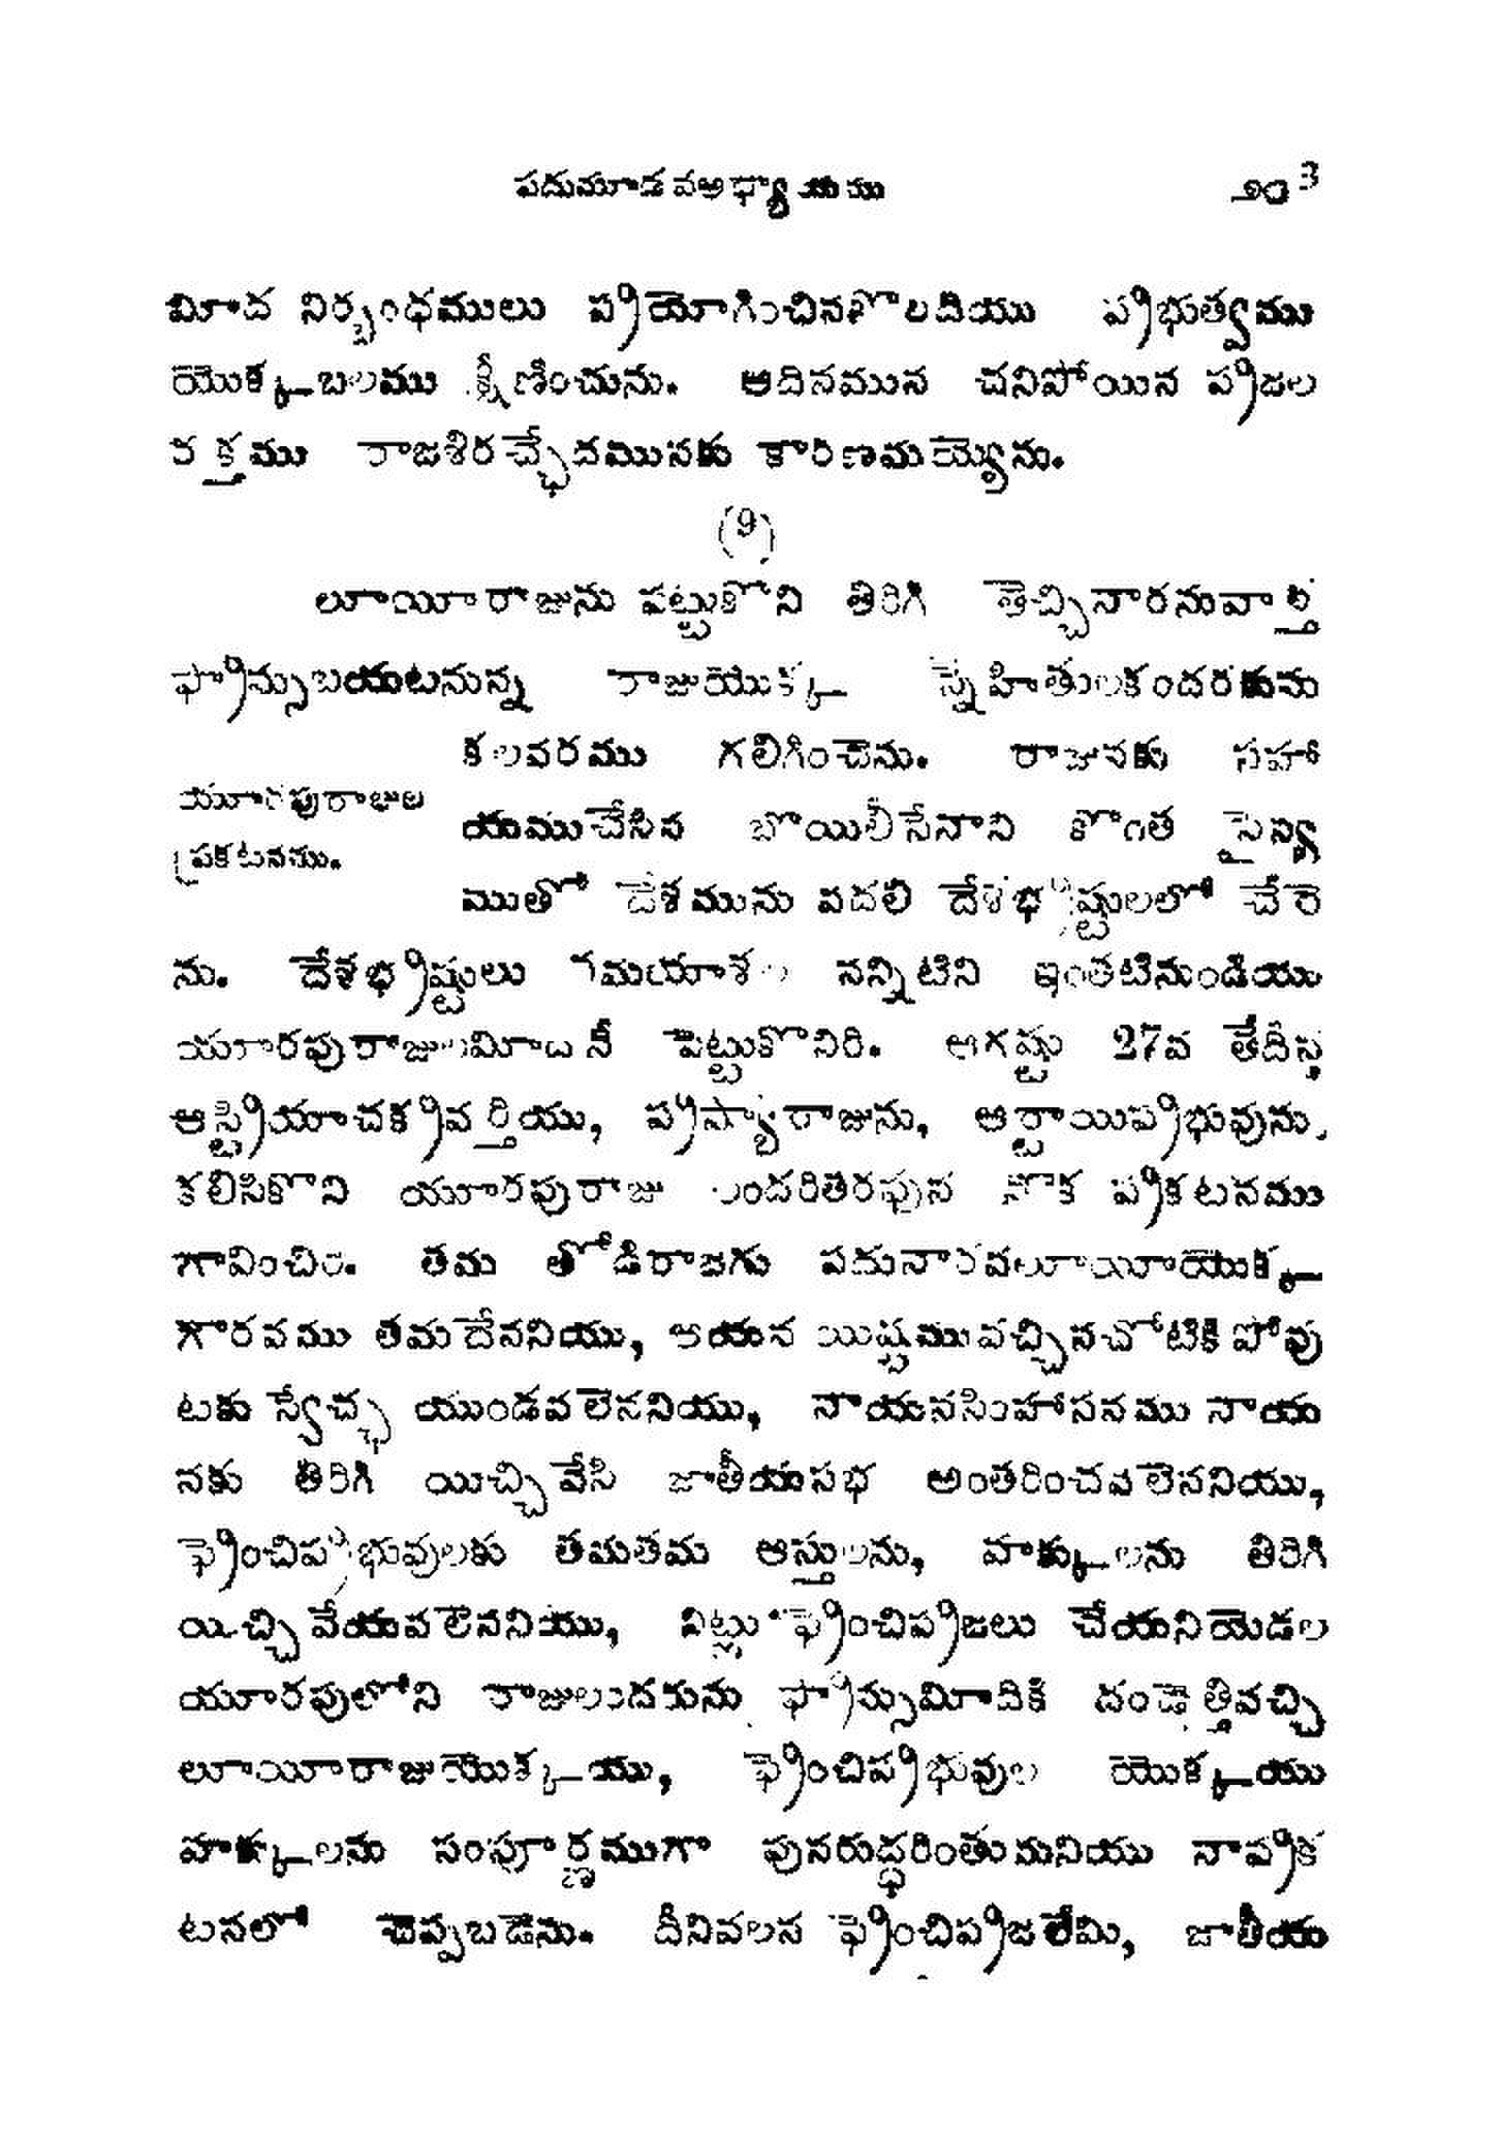మీద నిర్బంధములు ప్రయోగించినకొలదియు ప్రభుత్వము
యొక్క బలము క్షీణించును. ఆదినమున చనిపోయిన ప్రజల
రక్తము రాజశిరచ్ఛేదమునకు కారణమయ్యెను.

యూరపు రాజులు
ప్రకటనము.
లూయీ రాజును పట్టుకొని తిరిగి తెచ్చినారనువార్త
ఫ్రాన్సు బయటనున్న రాజు యొక్క స్నేహిత కందరకును
కలవరము గలిగించెను. రాజునకు సహాయము చేసిన
బొయిలీ సేనాని కొంత సైన్యముతో 'దేశమును పదలి దేశ భ ష్టులలో చేరెను.
దేశ బ్రష్టులు తమయాశలనన్నిటిని ఇంతటి నుండియు
యూరపు రాజుల మీదనే పెట్టుకొనిరి. ఆగష్టు 27వ తేదీన
ఆస్ట్రియా చక్రవర్తియు, ప్రష్యారాజును, ఆర్టాయి ప్రభువును,
కలిసికొని యూరపు రాజు అందరితరఫున నొక ప్రకటనము
గావించి,రి. తమ తోడి రాజగు పడునారవ లూయీ యొక్క
గౌరవము తమదేననియు, ఆయన యిష్టము వచ్చిన చోటికి పోవు
స్వేచ్ఛ యుండవలెననియు, నాయన సింహాసనము నాయ
నకు యిచ్చివేసి జాతీయసభ అంతరించవలెననియు,
ఫ్రెంచి ప్రభువులకు తమతమ ఆస్తులను, హక్కులను తిరిగి
యిచ్చివేయవ లెననియు, నిట్లు " ఫ్రెంచిప్రజలు చేయనియెడల
యూరపులోని రాజులందరును. ప్రాన్సు మీదికి దండెత్తివచ్చి
లూయీ రాజు యొక్కయు, ఫ్రెంచి ప్రభువుల యొక్కయు
హక్కులను సంపూర్ణముగా పునరుద్ధరింతు మనియు నాప్రక
టనలో చెప్పబడెసు. దీనివలన ప్రెంచి ప్రజ లేమి, జాతీయ